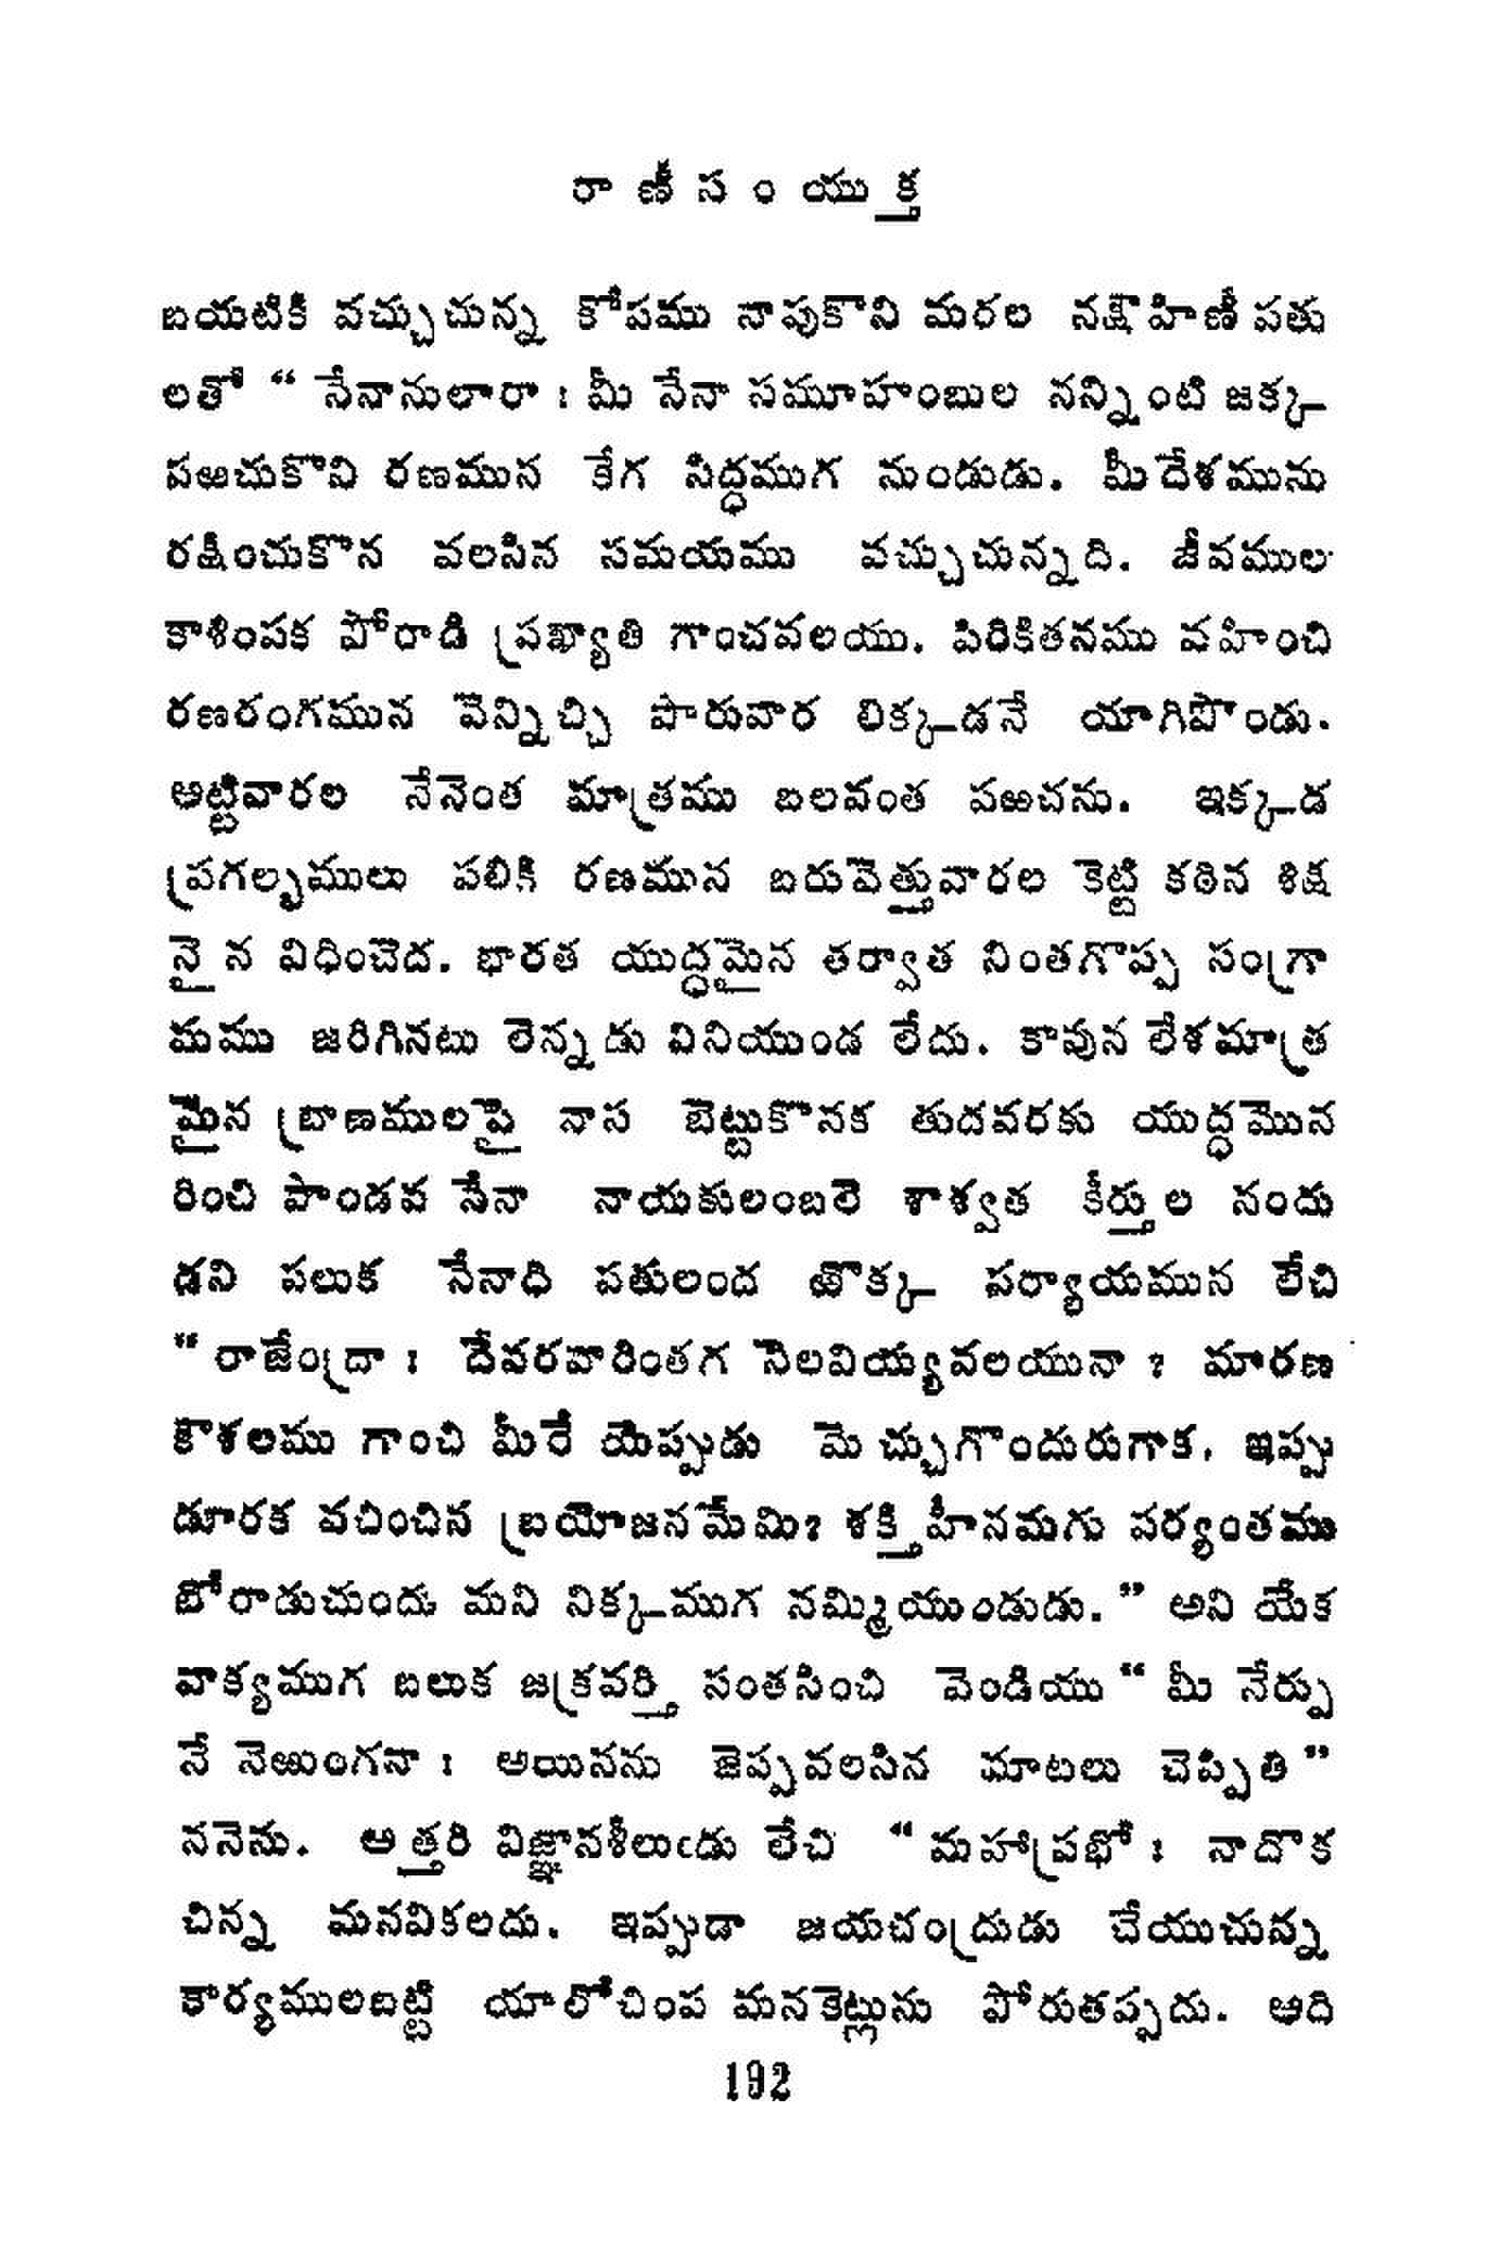బయటికి వచ్చుచున్న కోపము నాపుకొని మరల నక్షౌహిణీపతులతో "సేనానులారా! మీ సేనా సమూహంబుల నన్నింటి జక్క పఱచుకొని రణమున కేగ సిద్ధముగ నుండుడు. మీ దేశమును రక్షించుకొన వలసిన సమయము వచ్చుచున్నది. జీవముల కాశింపక పోరాడి ప్రఖ్యాతి గాంచవలయు. పిరికితనము వహించి రణరంగమున వెన్నిచ్చి పారువార లిక్కడనే యాగిపొండు . అట్టివారల నేనెంత మాత్రము బలవంత పఱచను. ఇక్కడ ప్రగల్భములు పలికి రణమున బరువెత్తువారల కెట్టి కఠిన శిక్షనైన విధించెద. భారత యుద్ధమైన తర్వాత నింతగొప్ప సంగ్రామము జరిగినటు లెన్నడు వినియుండ లేదు. కాపున లేశమాత్రమైన బ్రాణములపై నాస బెట్టుకొనక తుదవరకు యుద్దమొనరించి పాండవ సేనా నాయకులంబలె శాశ్వత కీర్తుల నందుడని పలుక సేనాధి పతులంద ఱొక్క పర్యాయమున లేచి " రాజేంద్రా ! దేవరవారింతగ సెలవియ్యవలయునా? మారణ కౌశలము గాంచి మీరే యెప్పుడు మెచ్చుగొందురుగాక, ఇప్పుడూరక వచించిన బ్రయోజనమేమి? శక్తి హీనమగు పర్యంతము పోరాడుచుందు మని నిక్కముగ నమ్మియుండుడు. " అని యేక వాక్యముగ బలుక జక్రవర్తి సంతసించి వెండియు “మీ నేర్పునే నెఱుంగనా ! అయినను జెప్పవలసిన మాటలు చెప్పితి " ననెను. అత్తరి విజ్ఞానశీలుఁడు లేచి “మహాప్రభో ! నాదొక చిన్న మనవీకలదు. ఇప్పుడా జయచంద్రుడు చేయుచున్న కార్యములబట్టి యాలోచింప మనకెట్లును పోరుతప్పదు. అది